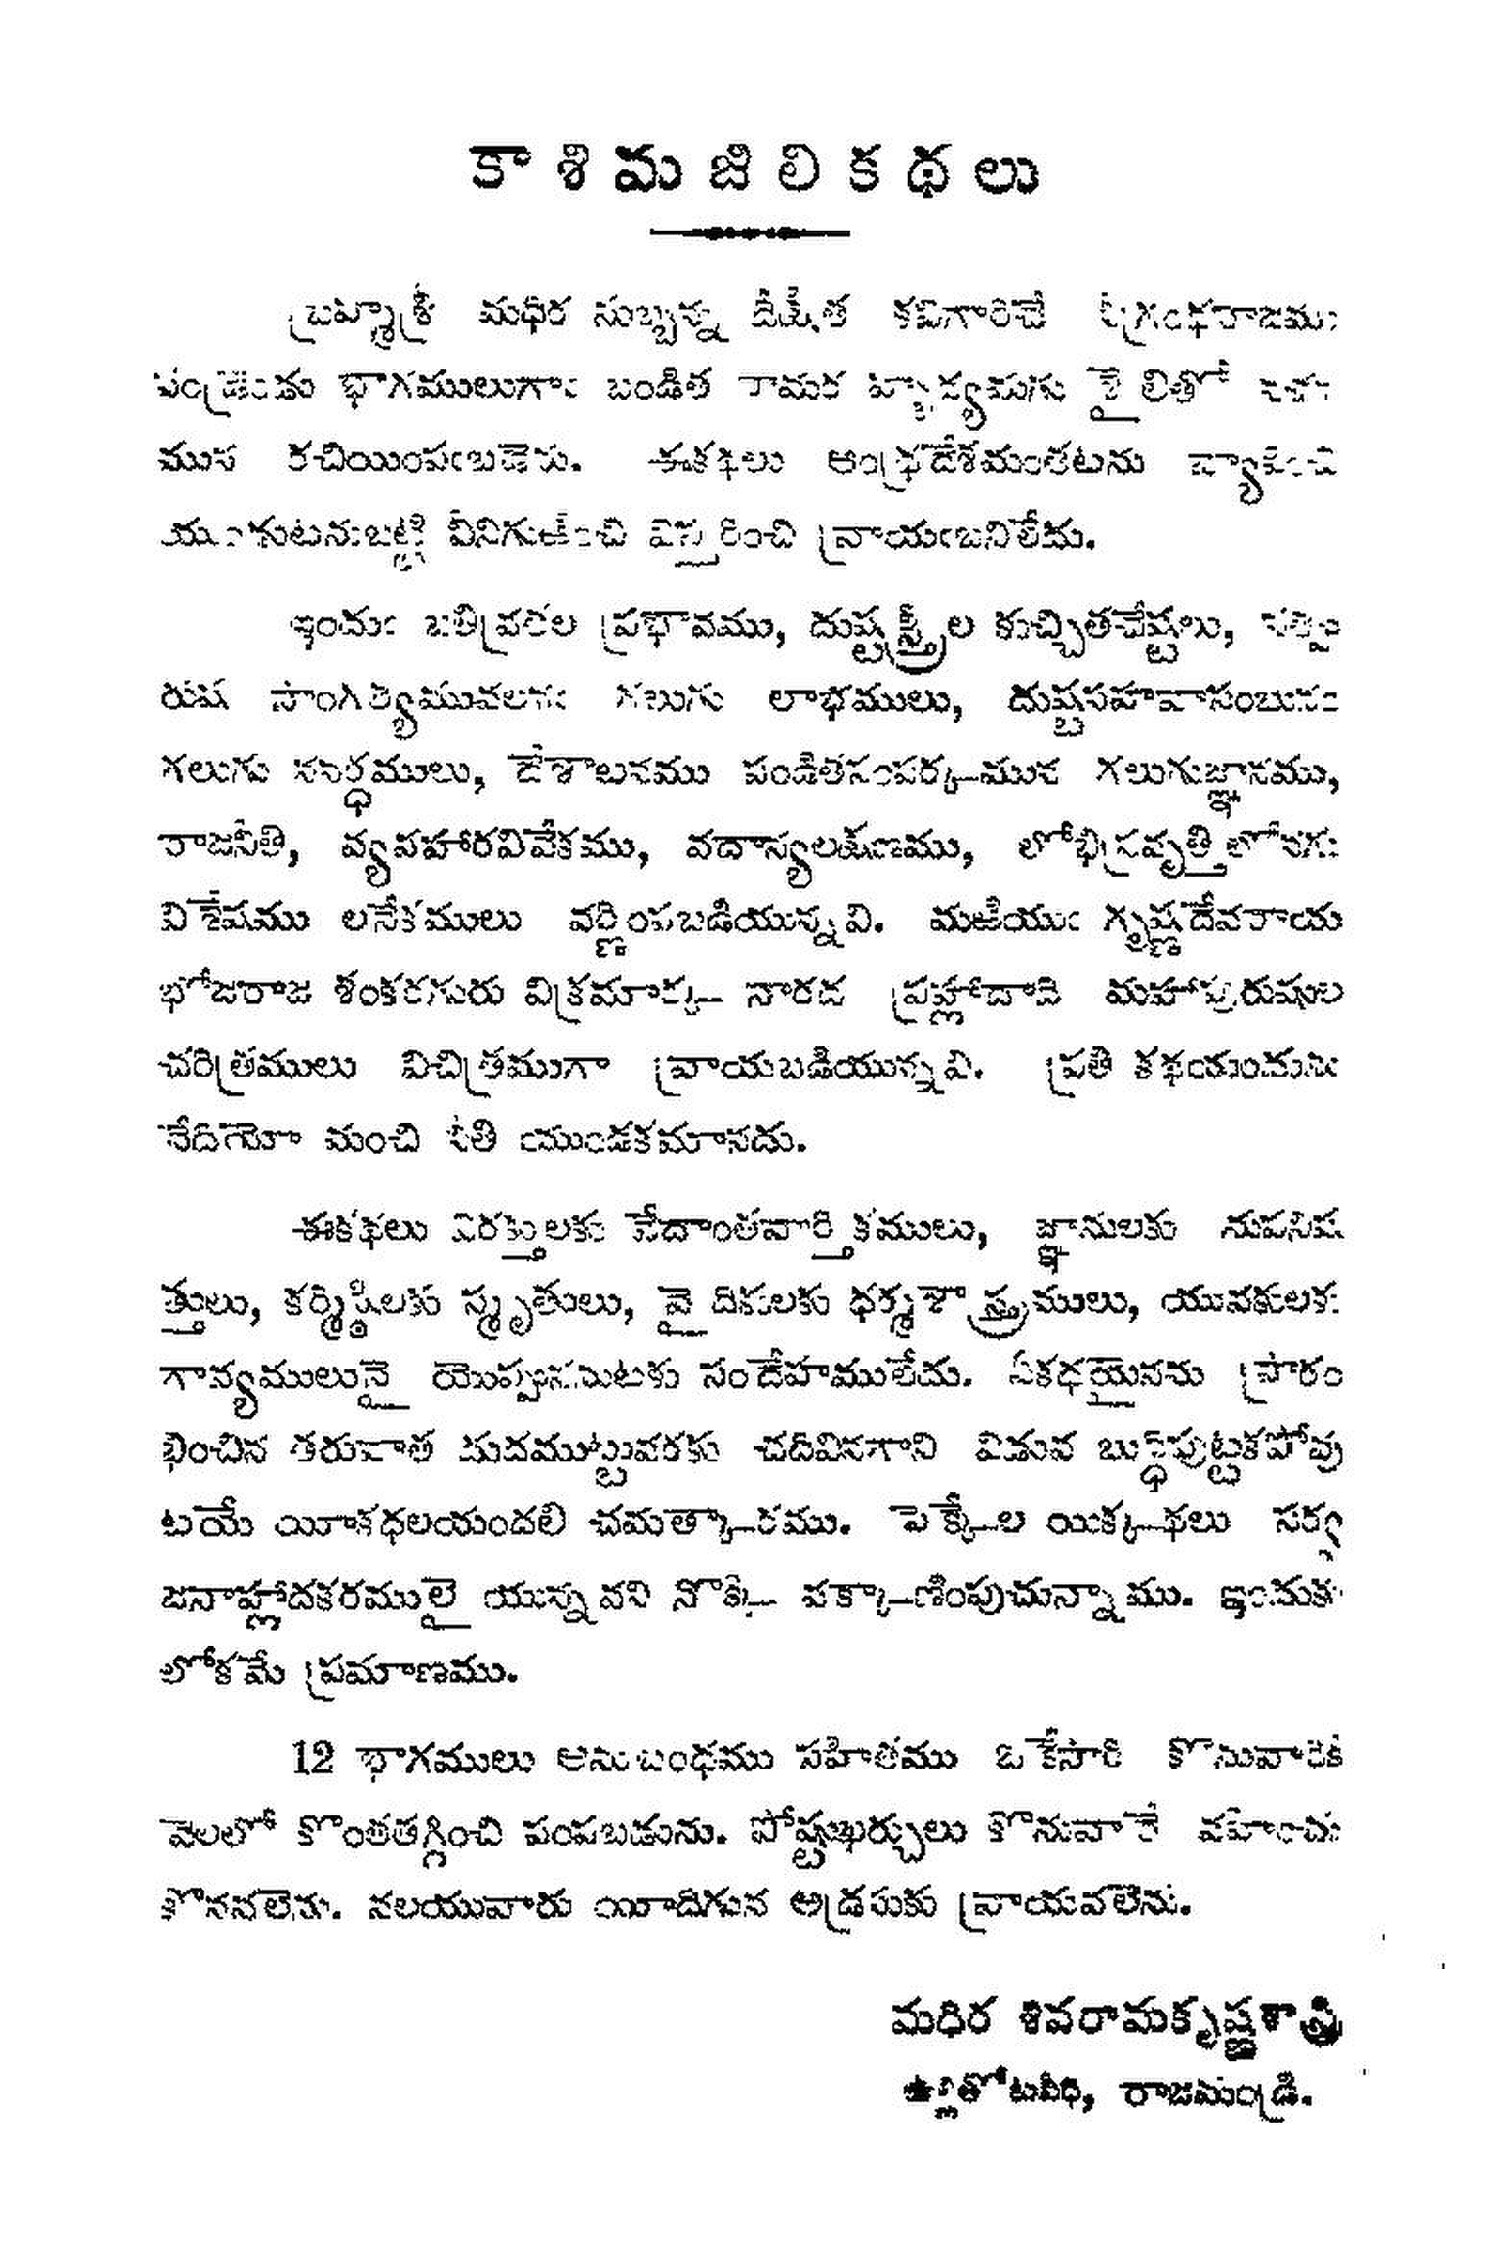కాశిమజిలికథలు

బ్రహ్మశ్రీ మధిర సుబ్బన్న దీక్షిత కవిగారిచే నీగ్రంథరాజము పండ్రెండు భాగములుగాఁ బండిత పామర హృద్యమగు శైలితో వచనమున రచియింపఁబడెను. ఈకథలు ఆంధ్రదేశమంతటను వ్యాపించి యుండుటనుబట్టి వీనిగుఱించి విస్తరించి వ్రాయఁబనిలేదు.

ఇందుఁ బతివ్రతల ప్రభావము, దుష్టస్త్రీల కుచ్చితచేష్టలు, తత్పురుష సాంగత్యమువలన గలుగు లాభములు, దుష్టసహవాసంబునం గలుగు ననర్ధములు, దేశాటనము పండితసంపర్కమున గలుగుజ్ఞానము, రాజనీతి, వ్యవహారవివేకము, వదాస్యలక్షణము, లోభిప్రవృత్తిలోనగు విశేషము లనేకములు వర్ణింపబడియున్నవి. మఱియుఁ గృష్ణదేవరాయ భోజరాజ శంకరగురు విక్రమార్క నారద ప్రహ్లాదాది మహాపురుషుల చరిత్రములు విచిత్రముగా వ్రాయబడియున్నవి. ప్రతి కథయందును నేదియో మంచి నీతి యుండకమానదు.

ఈకథలు విరక్తులకు వేదాంతవార్తికములు, జ్ఞానులకు నుపనిషత్తులు, కర్మిష్ఠిలకు స్మృతులు, వైదికులకు ధర్మశాస్త్రములు, యువకులకు గావ్యములునై యొప్పుననుటకు సందేహములేదు. ఏకథయైనను ప్రారంభించిన తరువాత దుదముట్టువరకు చదివినగాని విడువ బుద్ధిపుట్టకపోవుటయే యీకథలయందలి చమత్కారము. పెక్కేల యిక్కథలు సర్వజనాహ్లాదకరములై యున్నవని నొక్కి వక్కాణింపుచున్నాము. ఇందుకు లోకమే ప్రమాణము.

12 భాగములు అనుబంధము సహితము ఒకేసారి కొనువారికి వెలలో కొంతతగ్గించి పంపబడును. పోష్టుఖర్చులు కొనువారే వహించుకొనవలెను. వలయువారు యీదిగువ అడ్రసుకు వ్రాయవలెను.